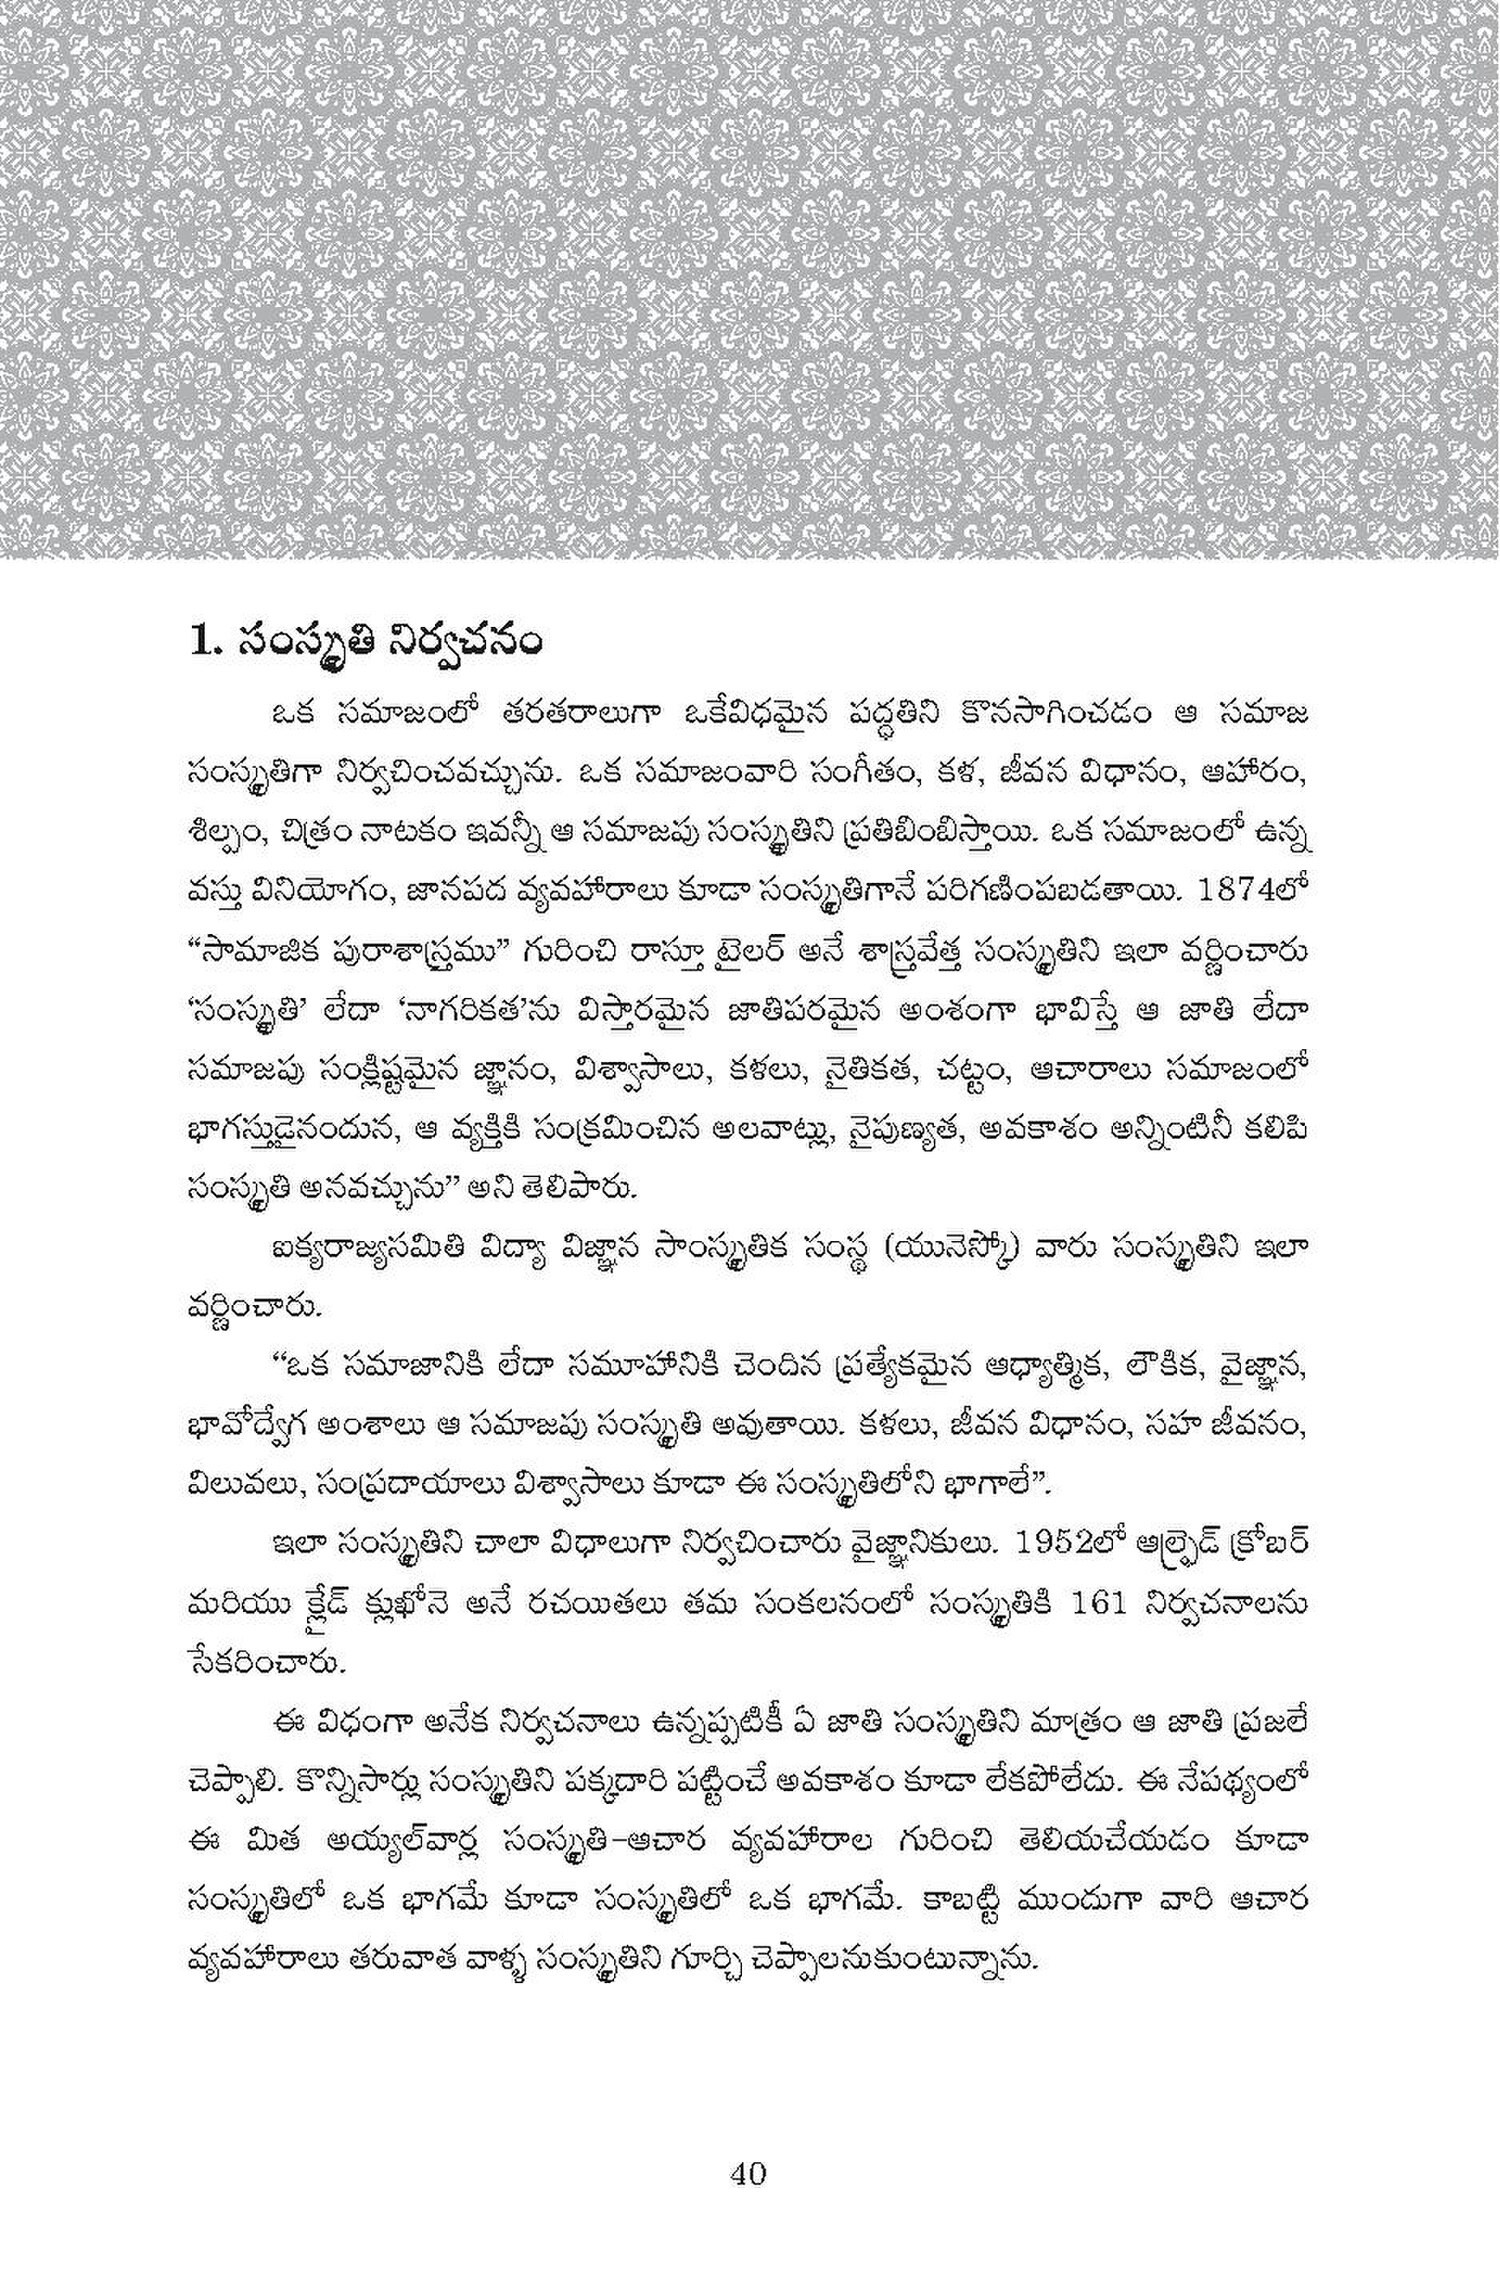1. సంస్కృతి నిర్వచనం 

ఒక సమాజంలో తరతరాలుగా ఒకేవిధమైన పద్ధతిని కొనసాగించడం ఆ సమాజ సంస్కృతిగా నిర్వచించవచ్చును. ఒక సమాజంవారి సంగీతం, కళ, జీవన విధానం, ఆహారం, శిల్పం, చిత్రం నాటకం ఇవన్నీ ఆ సమాజపు సంస్కృతిని ప్రతిబింబిస్తాయి. ఒక సమాజంలో ఉన్న వస్తు వినియోగం, జానపద వ్యవహారాలు కూడా సంస్కృతిగానే పరిగణింప బడతాయి. 1874లో “సామాజిక పురాశాస్త్రము” గురించి రాస్తూ టైలర్ అనే శాస్త్రవేత్త సంస్కృతిని ఇలా వర్ణించారు
'సంస్కృతి' లేదా 'నాగరికత'ను విస్తారమైన జాతిపరమైన అంశంగా భావిస్తే ఆ జాతి లేదా సమాజపు సంక్లిష్టమైన జ్ఞానం, విశ్వాసాలు, కళలు, నైతికత, చట్టం, ఆచారాలు సమాజంలో భాగస్తుడైనందున, ఆ వ్యక్తికి సంక్రమించిన అలవాట్లు, నైపుణ్యత, అవకాశం అన్నింటినీ కలిపి సంస్కృతి అనవచ్చును” అని తెలిపారు.

ఐక్యరాజ్యసమితి విద్యా విజ్ఞాన సాంస్కృతిక సంస్థ (యునెస్కో) వారు సంస్కృతిని ఇలా వర్ణించారు.

"ఒక సమాజానికి లేదా సమూహానికి చెందిన ప్రత్యేకమైన ఆధ్యాత్మిక, లౌకిక, వైజ్ఞాన, భావోద్వేగ అంశాలు ఆ సమాజపు సంస్కృతి అవుతాయి. కళలు, జీవన విధానం, సహ జీవనం, విలువలు, సంప్రదాయాలు విశ్వాసాలు కూడా ఈ సంస్కృతిలోని భాగాలే”.

ఇలా సంస్కృతిని చాలా విధాలుగా నిర్వచించారు వైజ్ఞానికులు. 1952లో అల్ఫ్రెడ్ క్రోబర్ మరియు క్లేడ్ క్లుఖోనె అనే రచయితలు తమ సంకలనంలో సంస్కృతికి 161 నిర్వచనాలను సేకరించారు.

ఈ విధంగా అనేక నిర్వచనాలు ఉన్నప్పటికీ ఏ జాతి సంస్కృతిని మాత్రం ఆ జాతి ప్రజలే చెప్పాలి. కొన్నిసార్లు సంస్కృతిని పక్కదారి పట్టించే అవకాశం కూడా లేకపోలేదు. ఈ నేపథ్యంలో ఈ మిత అయ్యల్వార్ల సంస్కృతి ఆచార వ్యవహారాల గురించి తెలియచేయడం కూడా సంస్కృతిలో ఒక భాగమే కూడా సంస్కృతిలో ఒక భాగమే. కాబట్టి ముందుగా వారి ఆచార వ్యవహారాలు తరువాత వాళ్ళ సంస్కృతిని గూర్చి చెప్పాలనుకుంటున్నాను.